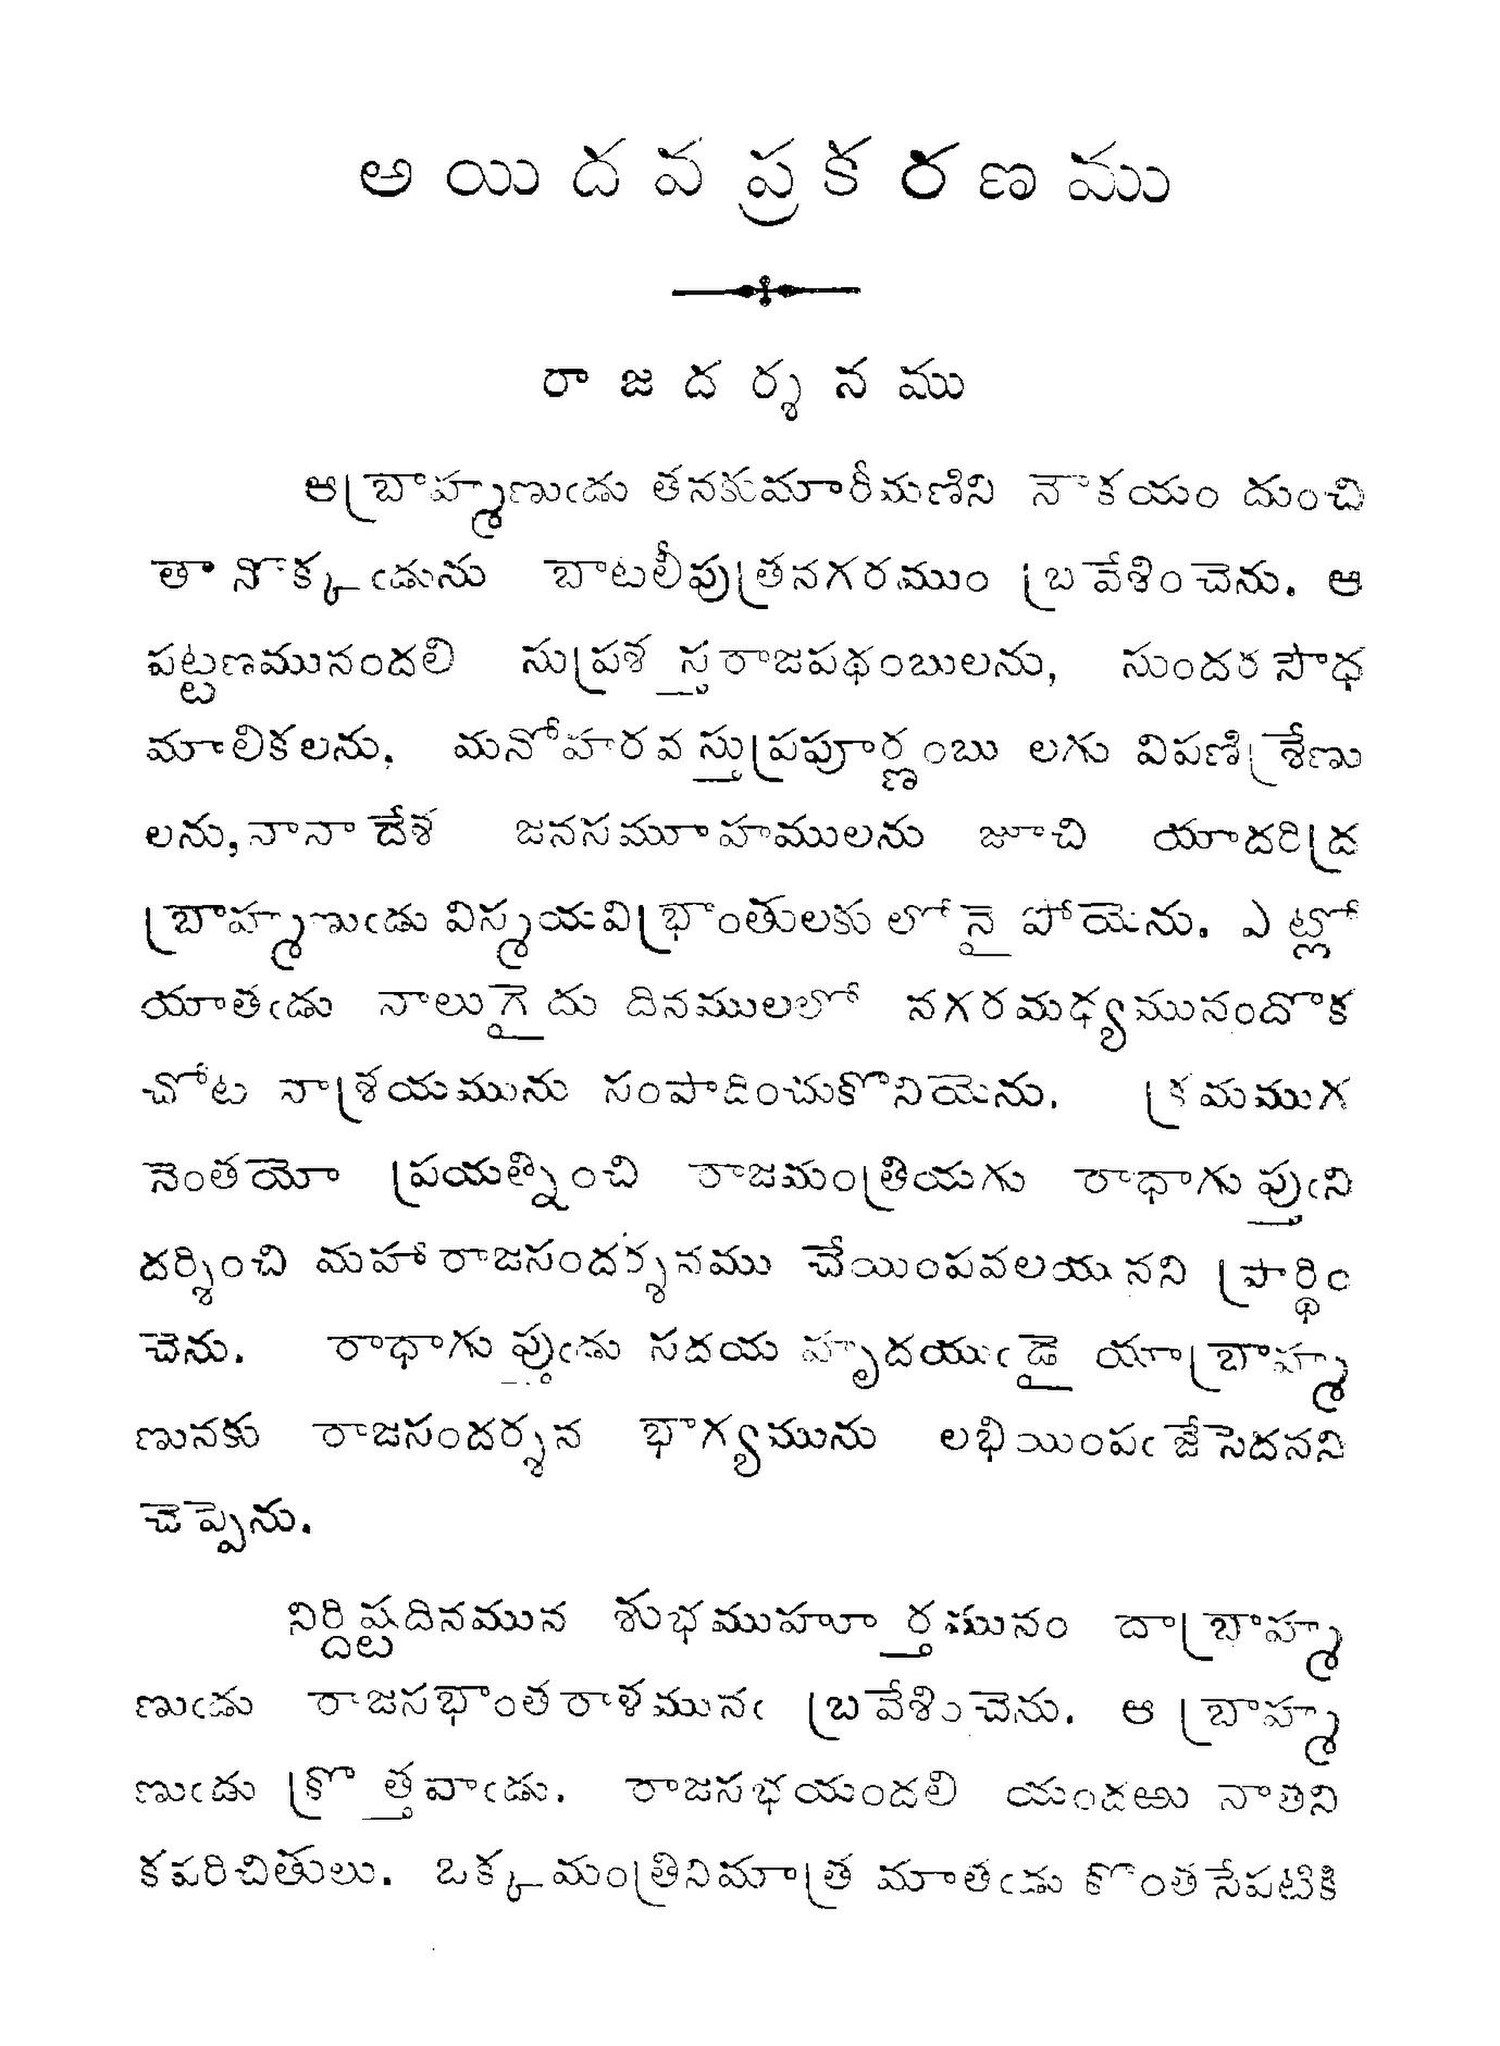ఆ బ్రాహ్మణుఁడు తనకుమారీమణిని నౌకయం దుంచి తానొక్కఁడును బాటలీపుత్ర నగరముం బ్రవేశించెను. ఆ పట్టణమునందలి సుప్రశస్త రాజపథంబులను, సుందర సౌధమాలికలను, మనోహరవ స్తుప్రపూర్ణంబు లగు విపణి శ్రేణులను, నానా దేశ జనసమూహములను జూచి యాదరిద్ర బ్రాహ్మణుఁడు విస్మయ విభ్రాంతులకు లోనై పోయెను. ఎట్లో యాతఁడు నాలుగైదు దినములలో నగరమధ్యమునందొక చోట నాశ్రయమును సంపాదించుకొనియెను. క్రమముగ నెంతయో ప్రయత్నించి రాజమంత్రియగు రాధాగు ప్తుని
దర్శించి మహా రాజసందర్శనము చేయింపవలయ నని ప్రార్థించెను. రాధాగు ప్తుఁడు సదయ హృదయఁ డై యాబ్రాహ్మణునకు రాజసందర్శన భాగ్యమును లభియింపఁ జేసెదనని చెప్పెను.

నిర్దిష్టదినమున శుభముహూర్తమునం దాబ్రాహ్మణుఁడు రాజసభాంత రాళమునఁ బ్రవేశించెను. ఆ బ్రాహ్మణుఁడు క్రొత్త వాఁడు. రాజసభయందలి యందఱు నాతని కపరిచితులు. ఒక్క మంత్రినిమాత్ర మాతఁడు కొంత సేపటికి